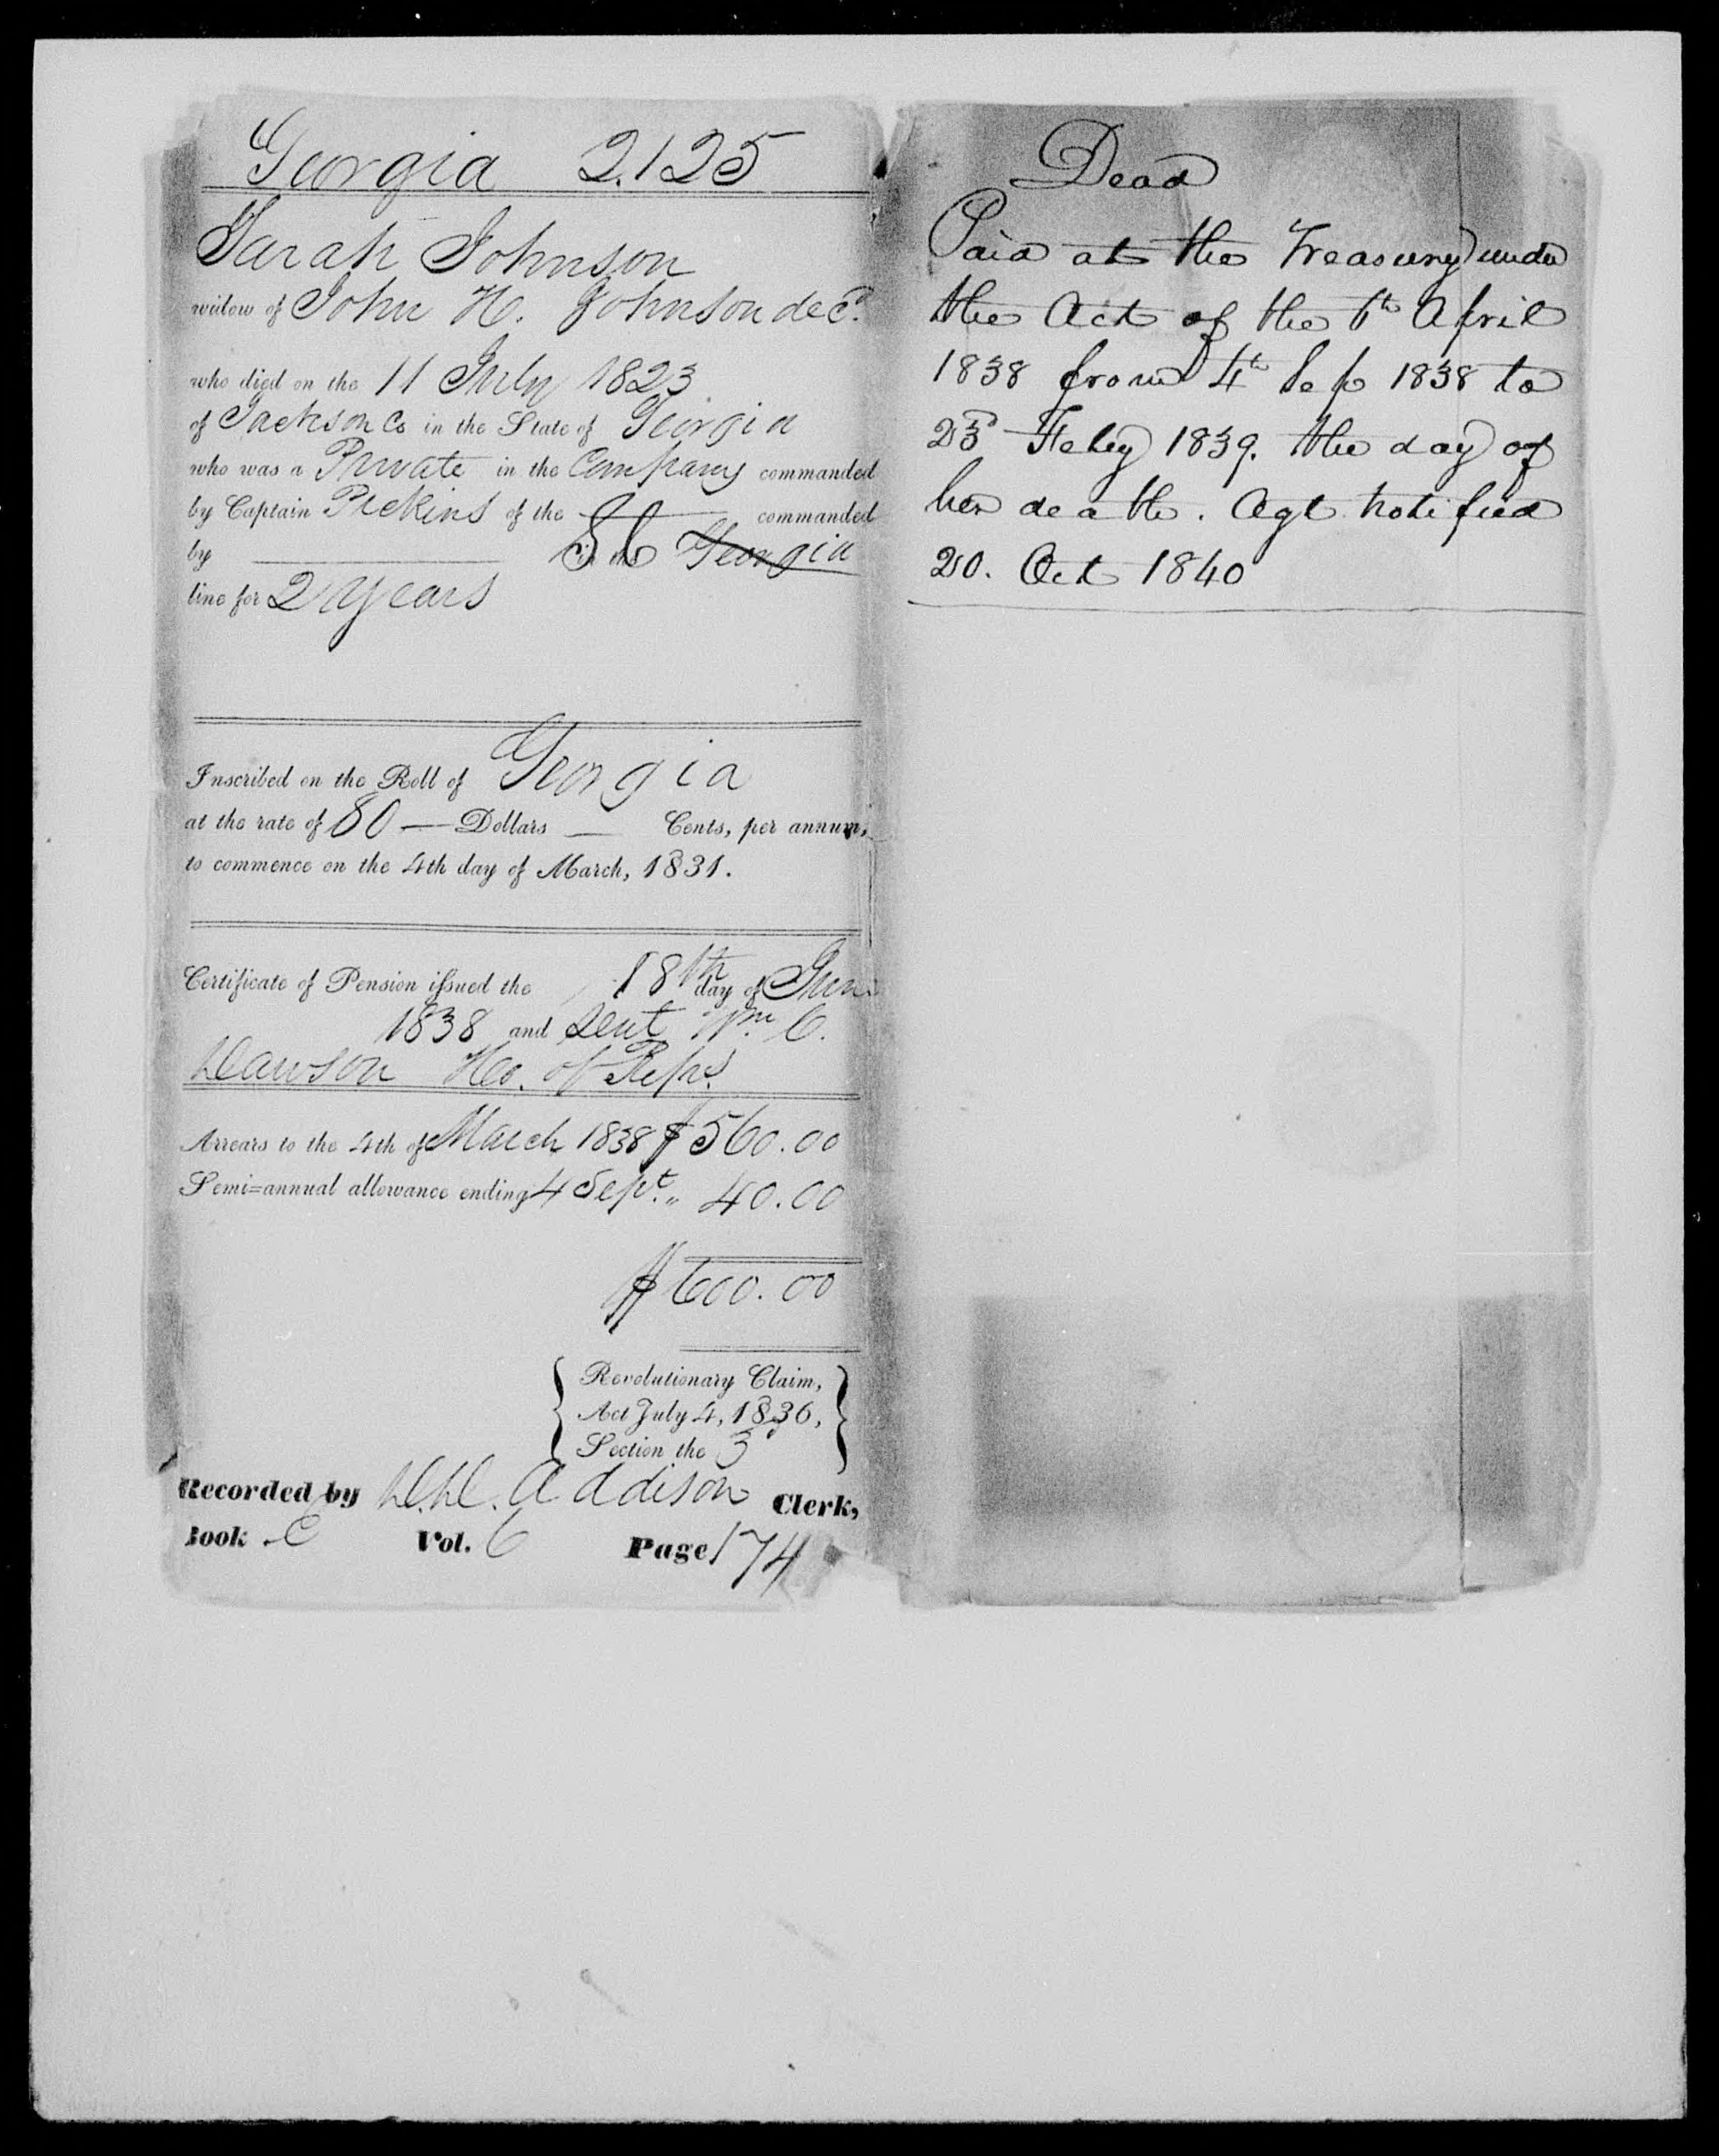Georgia 2125
Sarah Johnson
widow of John H Johnson dec?
who dies on the 11 July 1823
of Jackson Co in the State of Georgia
who was a Private in the Company commanded
by Captain Perkins of the -- commanded
by SC in the line for 2 years

Inscribed on the Roll of Georgia 
at the rate of 80 Dollars - Cents, per annum,
to commence on the 4th day of March, 1834.

Certificate of Pension issues the 18th day of June
1838 and sent Wm. G.
Dawson [illegible].

Arrears to the 4th of March 1838 $560.00
Semi=annual allowance ending 4 Sept 40.00
Total: $600.00

{Revolutionary Claim, Act July 4, 1836, Section of the [illegible]}

Recorded by D.D. Addison Clerk,
Book E Vol. 6 Page 174

[Next page:]
Dead
Paid at the treasury annex
the Act of the 6th April
1838 from 4th Sept 1838 to
23 July 1839. The day of
her death. Agt. notified
20 Oct 1840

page: 2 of 26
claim: widow's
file: W. 4464, for John H Johnson, Georgia